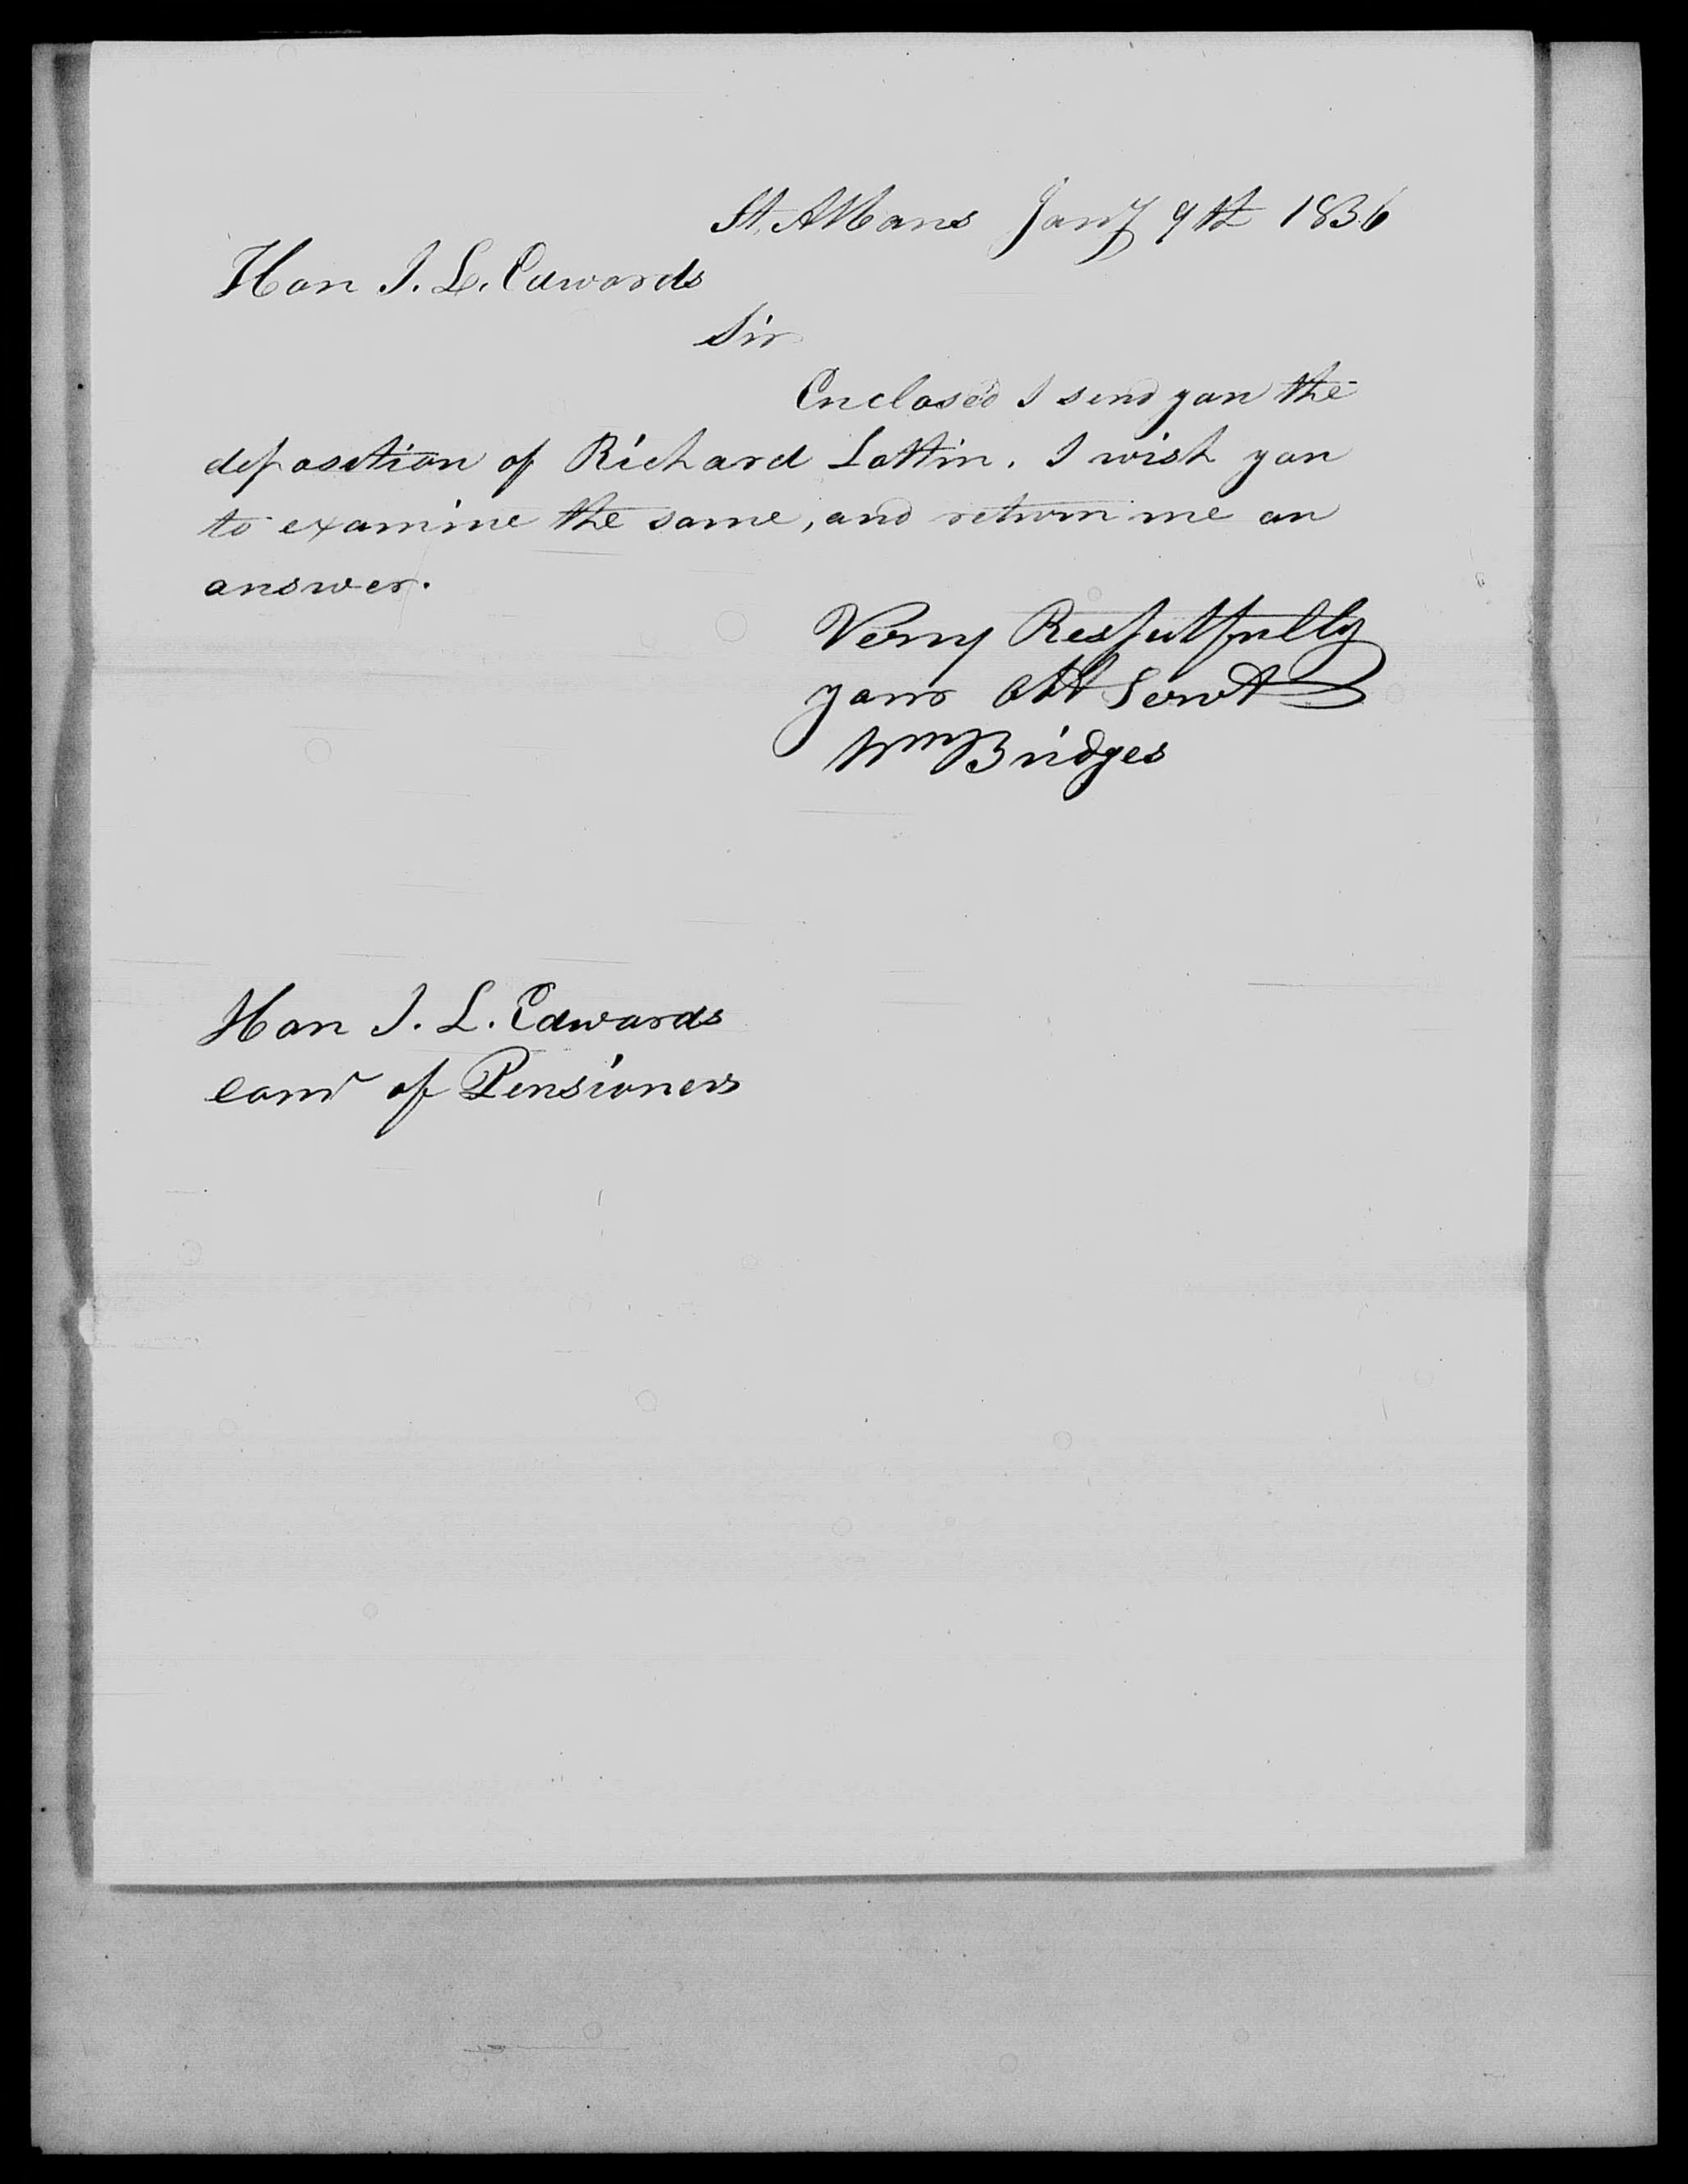St. Albans Jany 9th 1836
Hon J.L. Edwards
Sir
Enclosed I send you the
deposition of Richard Latin. I wish you
to examine the same, and return me an
answer.
Verry Respectfully-
Your Obt Servt
Wm Bridges

Hon J.L. Edwards
Com of Pensioners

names: Wm Bridges; J L Edwards; Richard Lattin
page: 72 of 99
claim: widow's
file: W. 24,482, for Richard Lattin, Vermont